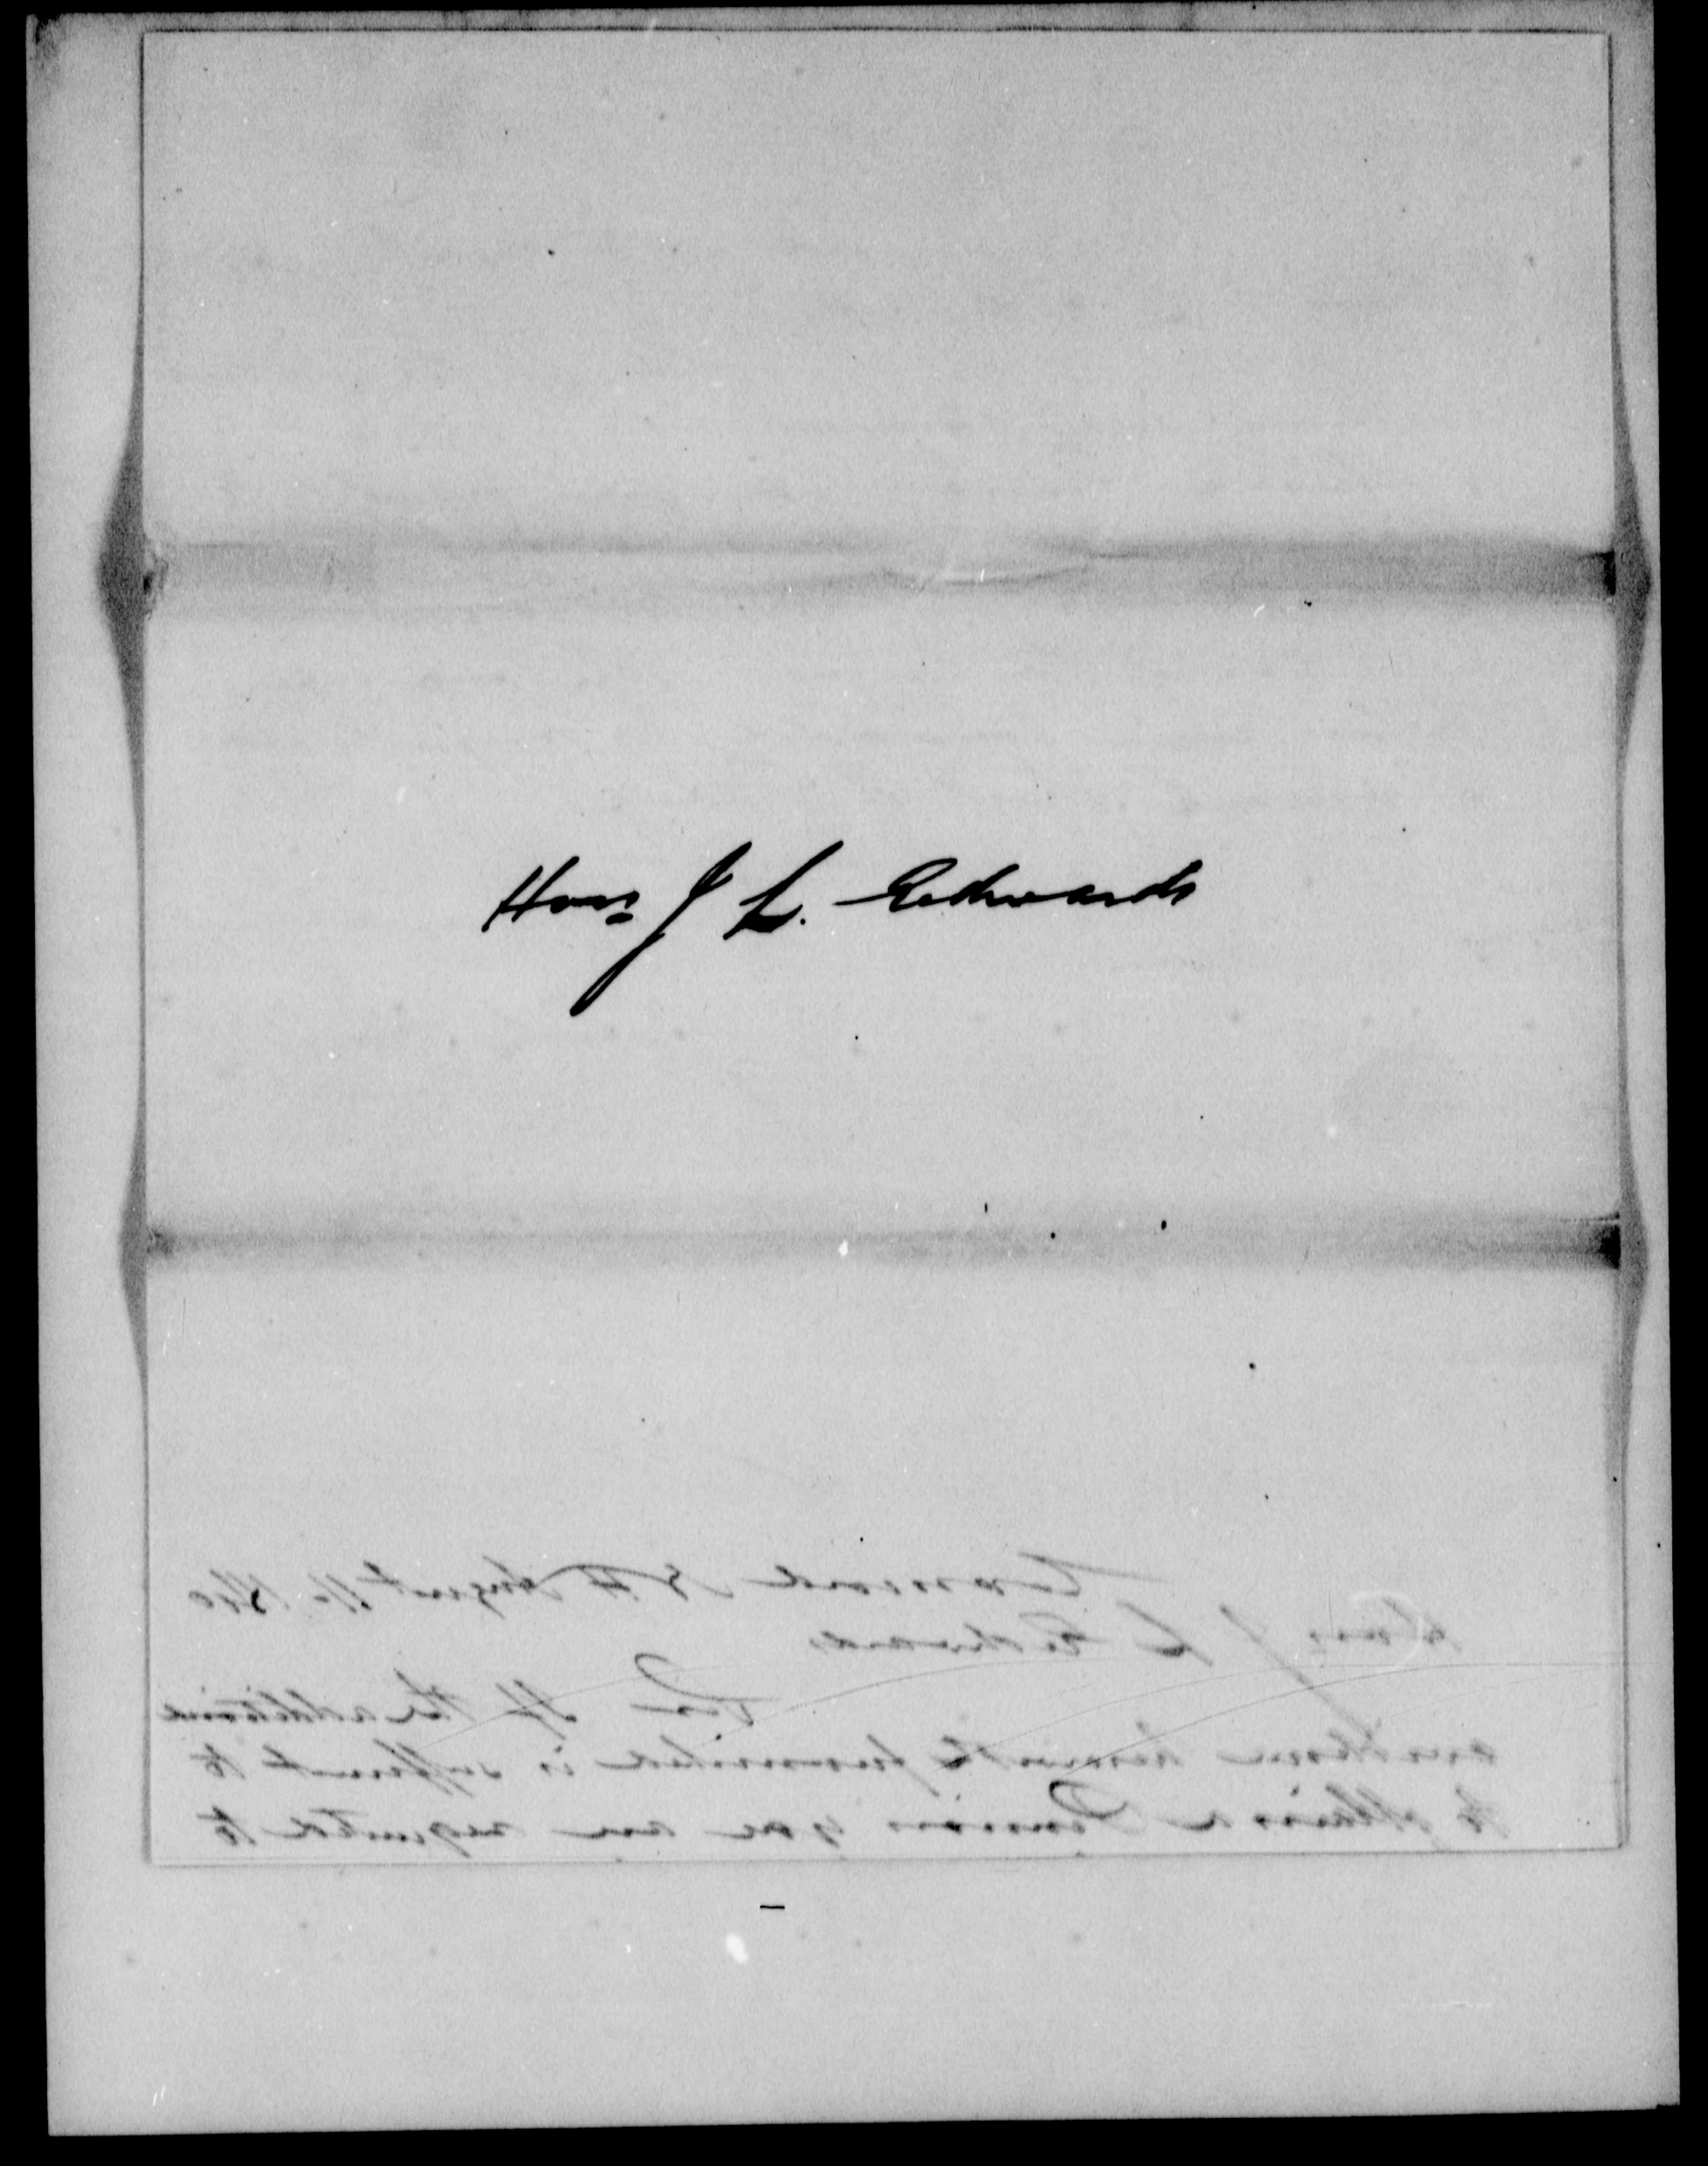Hon. J. L. Edwards

Remaining text on this page is a result of ink bleeding through the page.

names: J L Edwards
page: 19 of 24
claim: widow's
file: W. 16,451, Abraham True, N.H.